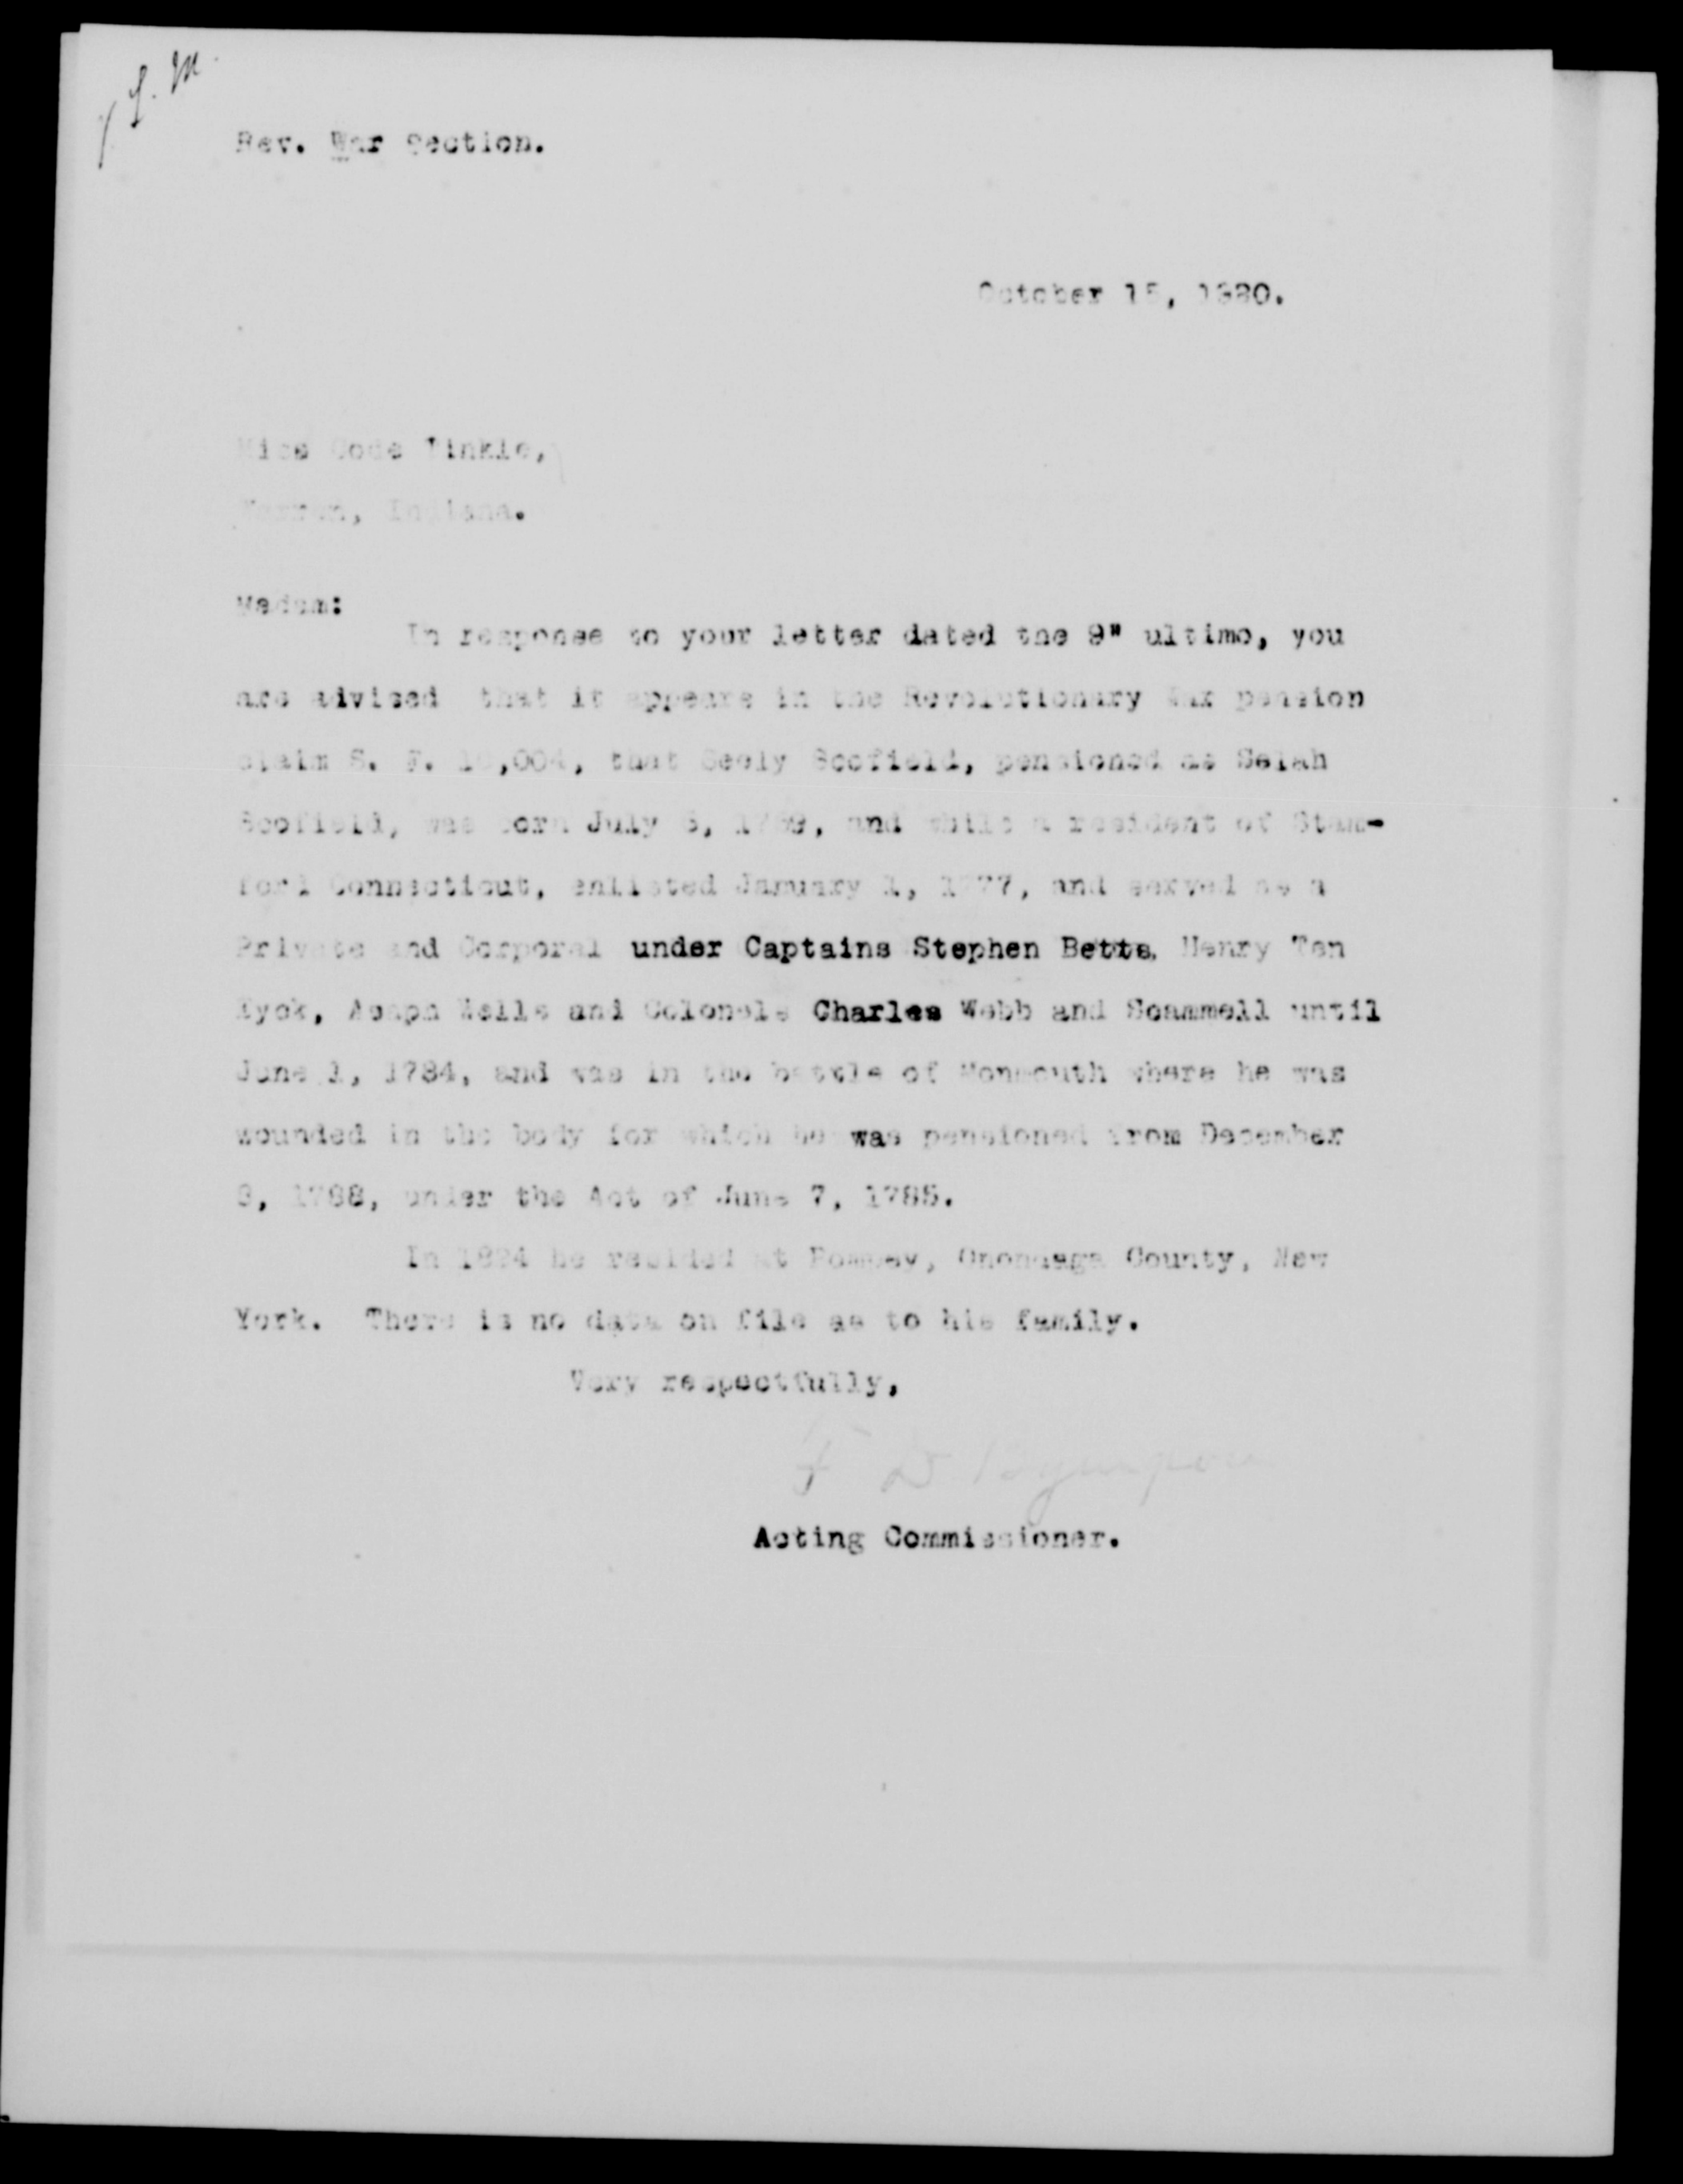T.L.M.
Rev. War Section. October 15, 1920. 
Mss Jode Hinkle
[unreadable] Indiana
Madam:
In response to your letter dated the 9" ultimo, you advised that it appears in the Revolutionary War pension claim S. F. 10,004 that Seely Scofield, pensioned as Selah Scofield, was born July 6, 1763, and that while a resident of Stamford Connecticut, enlisted January 2, 1777, and served as a Private and Corporal under Captains Stephen Betts, Henry Ten Eyck, Asaph Wells and Colonel Charles Webb and Scammell until June 3, 1784, and was in the battle of Monmouth where he was wounded in the body for which he was pensioned from December 3, 1788, under the Act of June 7, 1785. 
In 1824 he resided t Pompey, Onondaga County, New York. There is no data on file as to his family. 
Very respectfully, 
F. D. Byington
Acting Commissioner.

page: 5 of 36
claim: survivor's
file: S. 10,004, for Seely Scofield, Connecticut